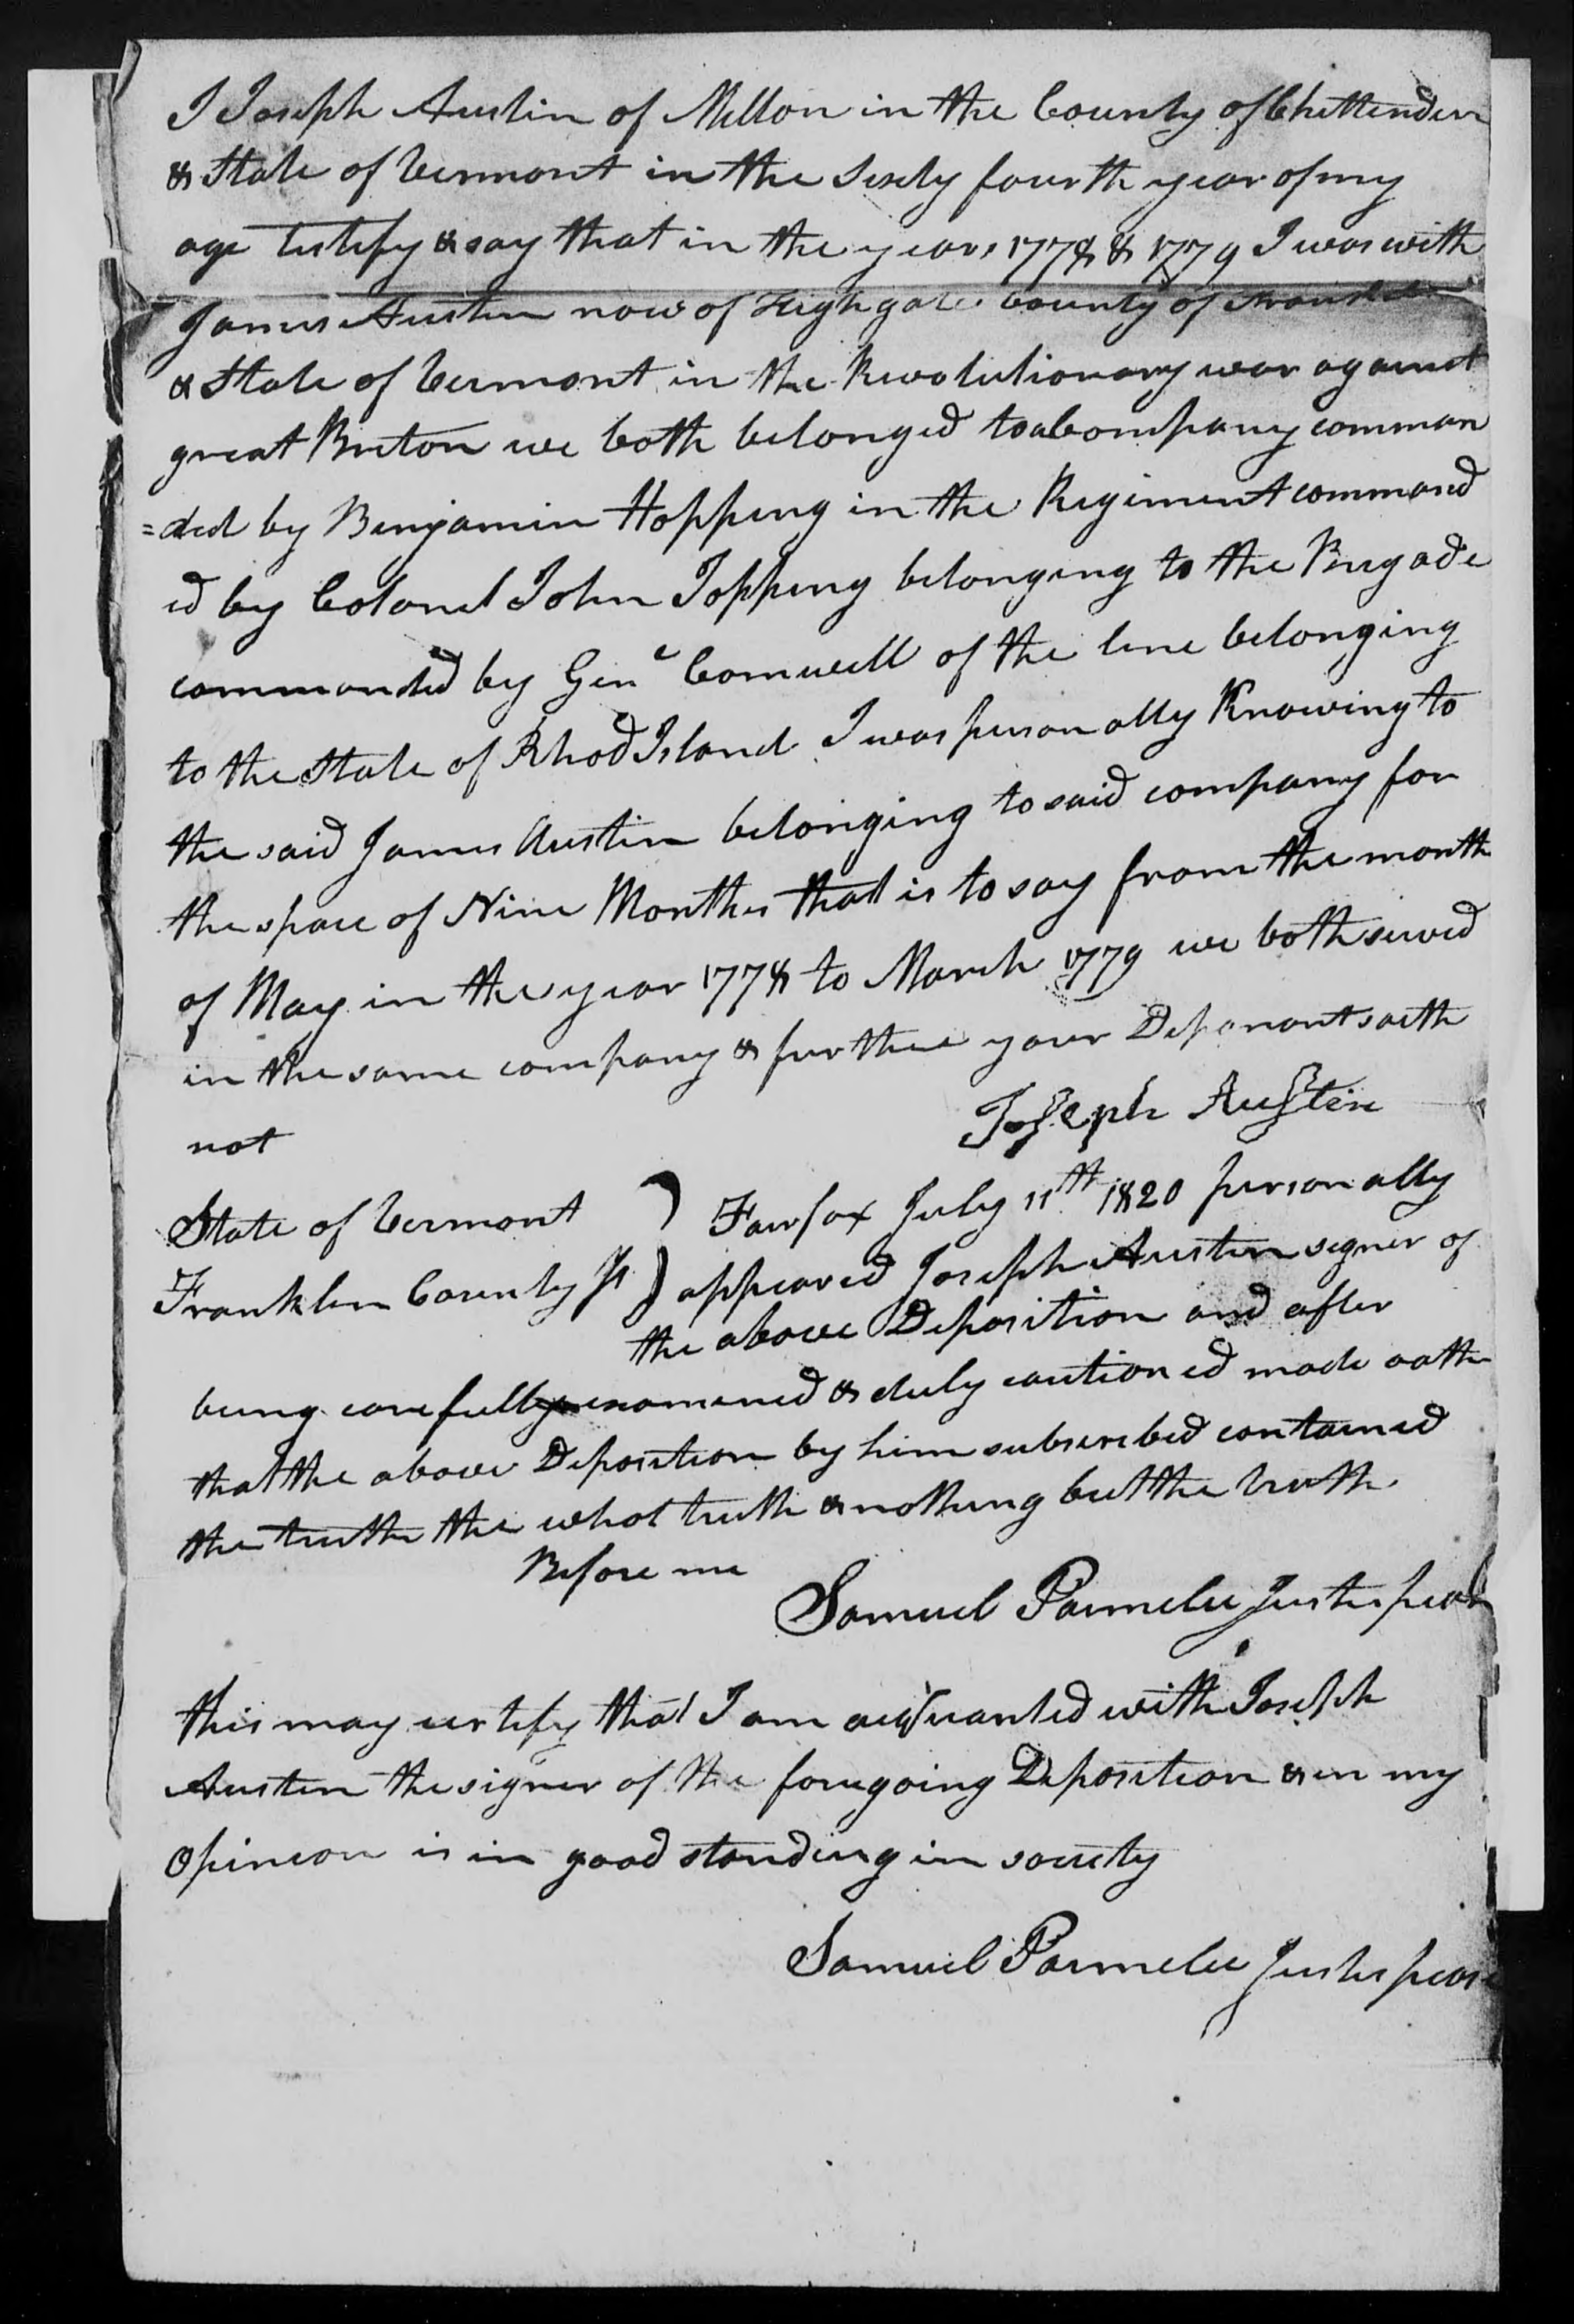I Joseph Austin of Mellon in the County of Chittenden & State of Vermont in the forty fourth year of my age testify & say that in the year 1778 & 1779 I was with James Austin now of Highgate County of Franklin & State of Vermont in the Revolutionary war against Great Briton we both belonged to a company commanded by Benjamin Hopping in the Regiment commanded by Colonel John Topping belonging to the Brigade commanded by Gen' Cornmwell of the line belonging to the State of Rhode Island I was personally knowing to the said James Austin belonging to said company for the space of nine months that is to say from the month of May in the year 1778 to March 1779 we both served in the same company & further your Deponent saith not 
Joseph Austin [signature]

State of Vermont   } Fairfax July 11th 
Franklin County ss } 1820 personally
approved Joseph Austin signer of the above Deposition and after being carefully examined & duly cautioned made oath that the above Deposition by him subscribed contained the truth the whol [sic] truth & nothing but the truth
Before me Samuel Parmelee Justice Peace

this may certify that I am acquainted with Joseph Austin the signer of the foregoing Deposition & in my opinion is in good standing in society
Samuel Parmelee Justice Peace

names: Joseph Austin, James Austin, Joseph Austin, Joseph Austin, Samuel Parmelee, Samuel Parmelee, John Topping, Benjamin Hopping, James Austin, Joseph Austin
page: 71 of 100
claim: survivor's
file: S 19186, James Austin, Conn. New York R.I.